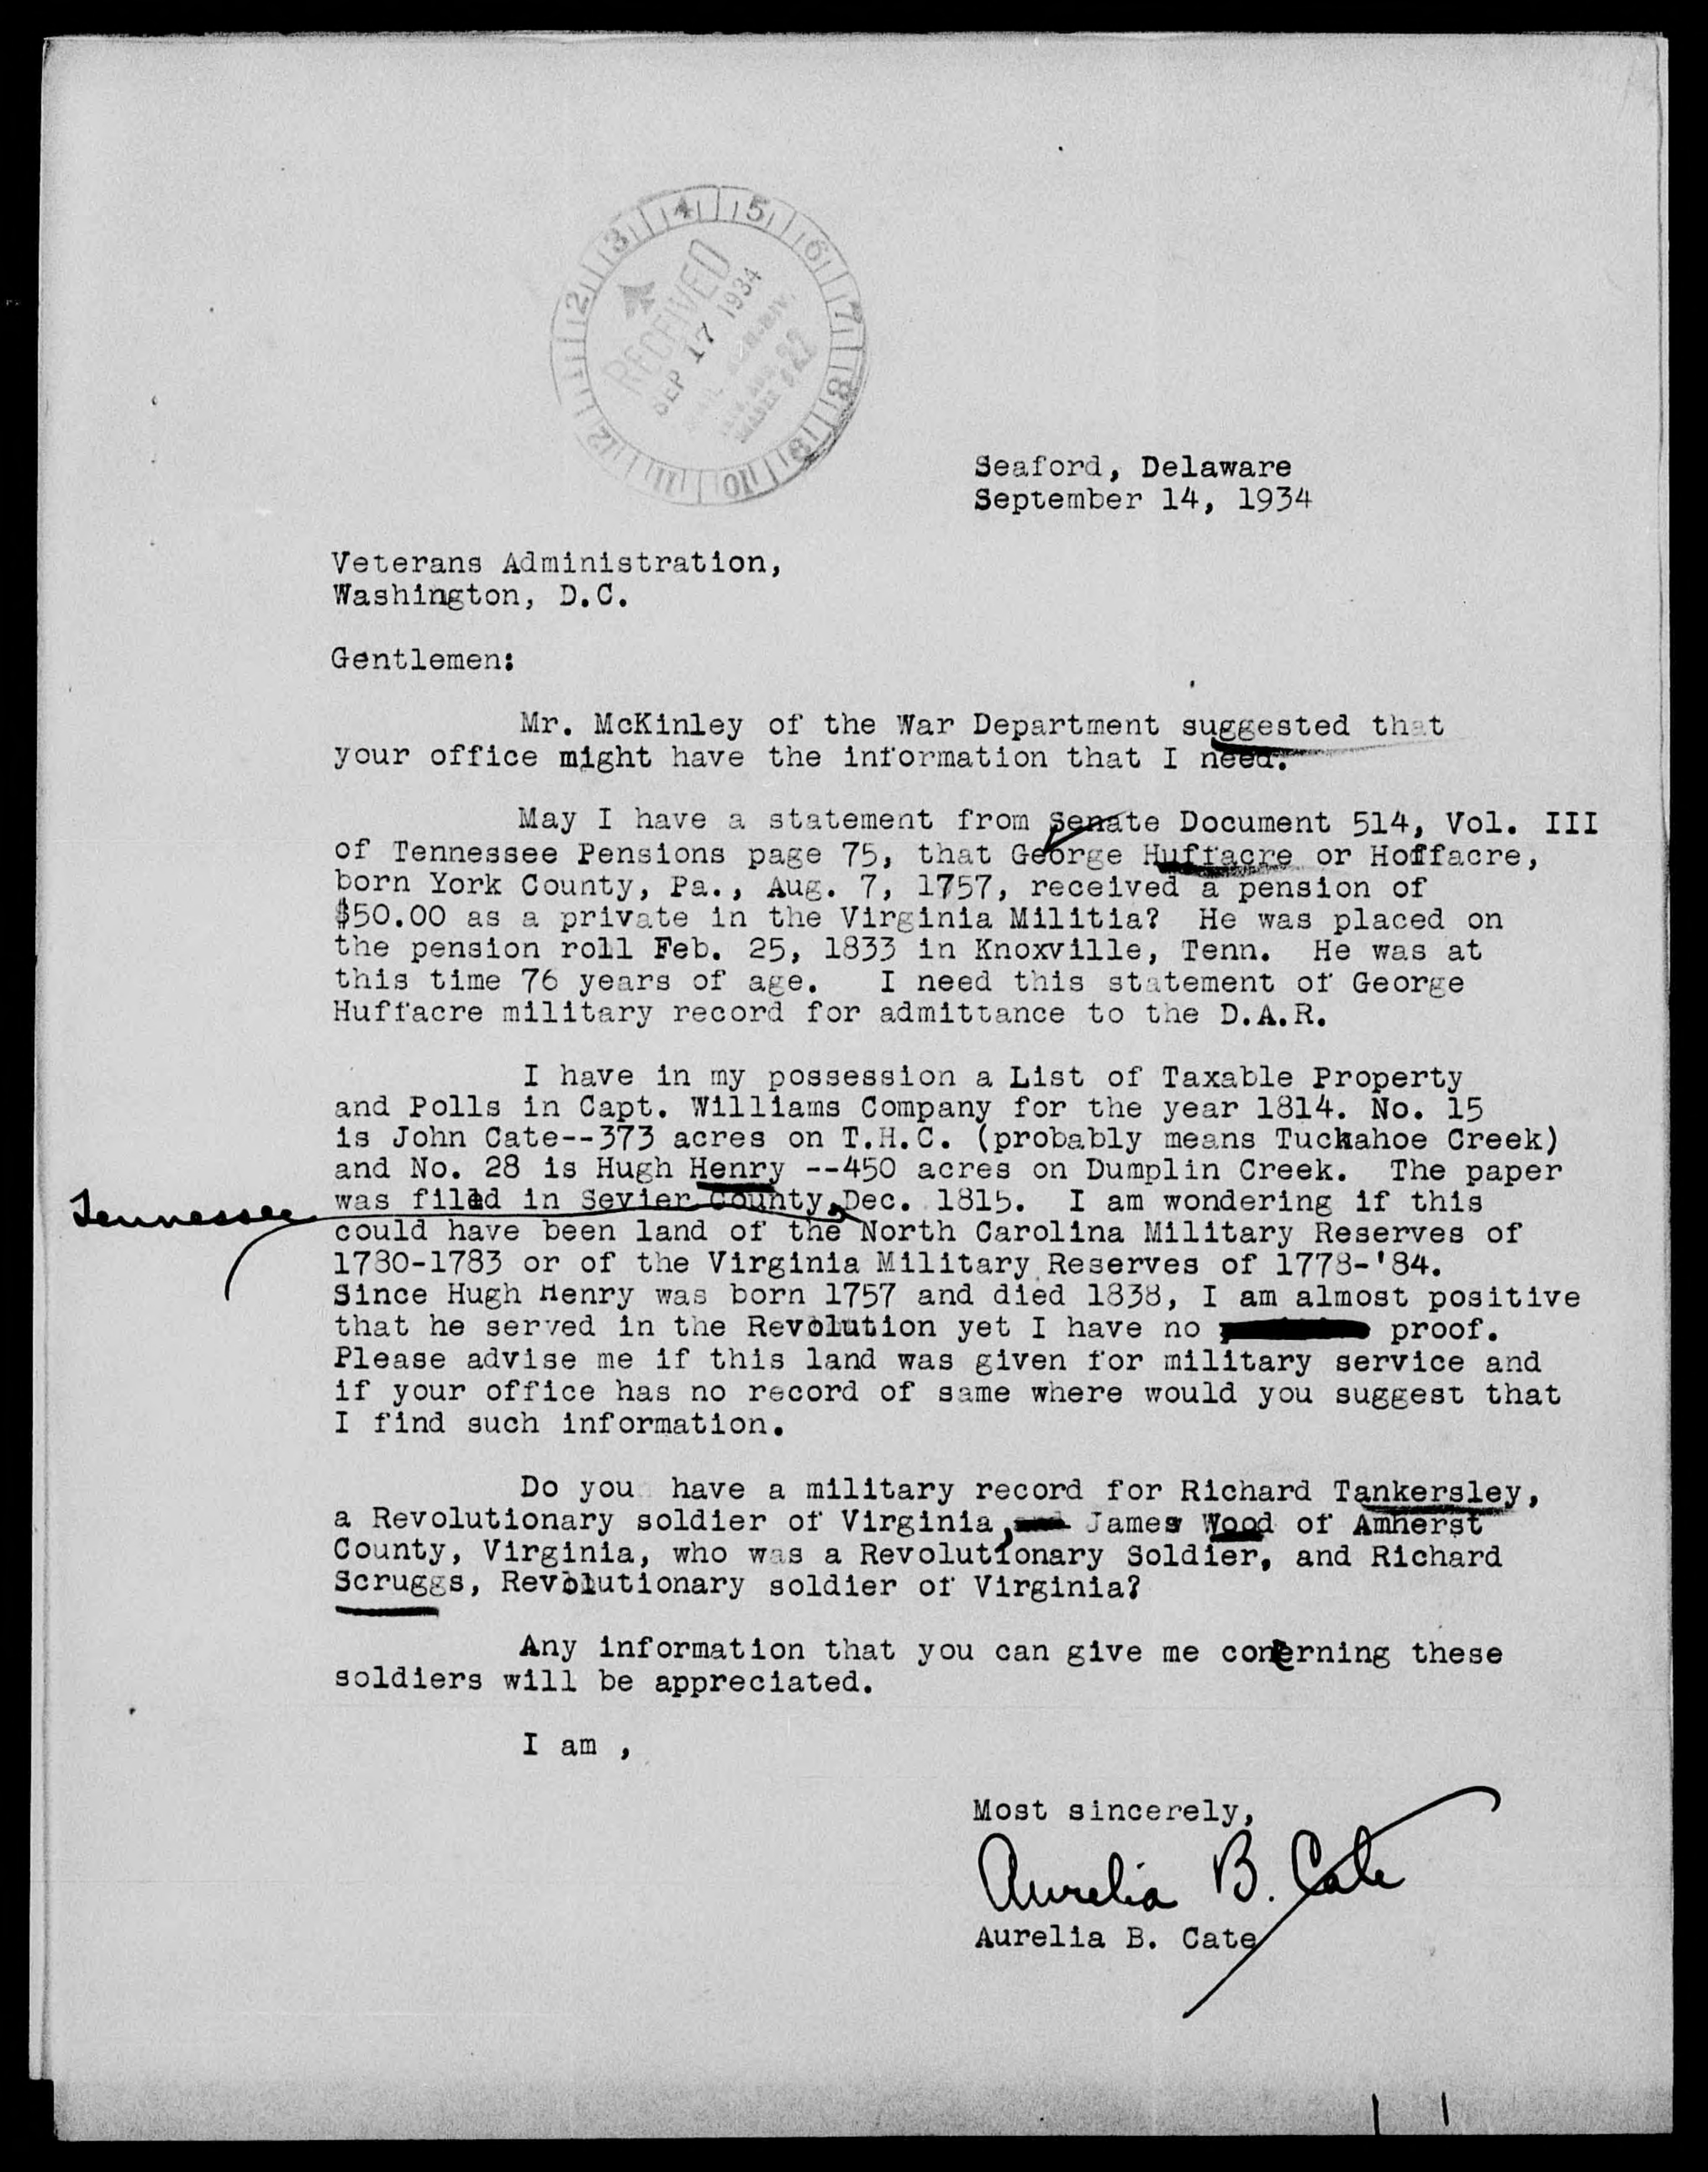[Stamp affixed at top right] Received Sept 17 1934 [illegible] [cents sign] 22

Seaford, Delaware
September 14, 1934

Veterans Administration, 
Washington, D.C.

Gentlemen:

Mr. McKinley of the War Department suggested that your office might have the information I need. 
May I have a statement from Senate Document 514, Vol. III of Tennessee Pensions page 75, that George Hufacre or Hoffacre, born York County, Pa., Aug. 7, 1757, received a pension of $50.00 as a private in the Virginia militia? He was placed on the pension roll Feb. 25, 1833 in Knoxville, Tenn. He was at this time 75 years of age. I need this statement of George Huffacre military record for admittance to the D.A.R.
I have in my possession a List of Taxable Property and Polls in Capt. Williams Company for the year 1814. No. 15 is John Cate--373 acres on T.H.C. (probably means Tuckahoe Creek) and No. 28 is Hugh Henry --450 acres on Dumplin Creek. The paper was filed in Sevier County, Dec 1815. I am wondering if this could have been land of the North Carolina Military Reserves of 1780-1783 or of the Virginia Military Reserves of 1778-'84. Since Hugh Henry was born 1757 and died 1838, I am almost positive that he served in the Revolution yet I have no proof. Please advise me if this land was given for military service and if your office has no record of same where you suggest that I find such information. 
Do you have a military record for Richard Tankersley, a Revolutionary soldier of Virginia, James Wood of Amherst County, Virginia, who was a Revolutionary Soldier, and Richard Scruggs, Revolutionary soldier of Virginia?
Any information that you can give me concerning these soldiers will be appreciated. 
I am, 
Most sincerely, 
[Hand signed] Aurelia B. Cote
Aurelia B. Cate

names: George Huffacre, James Wood, Richard Tankersley, Richard Scruggs, Mc Kinley, Aurelia B Cate, Hugh Henry, John Cate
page: 16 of 19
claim: survivor's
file: S. 1826, George Hufacre, Va.